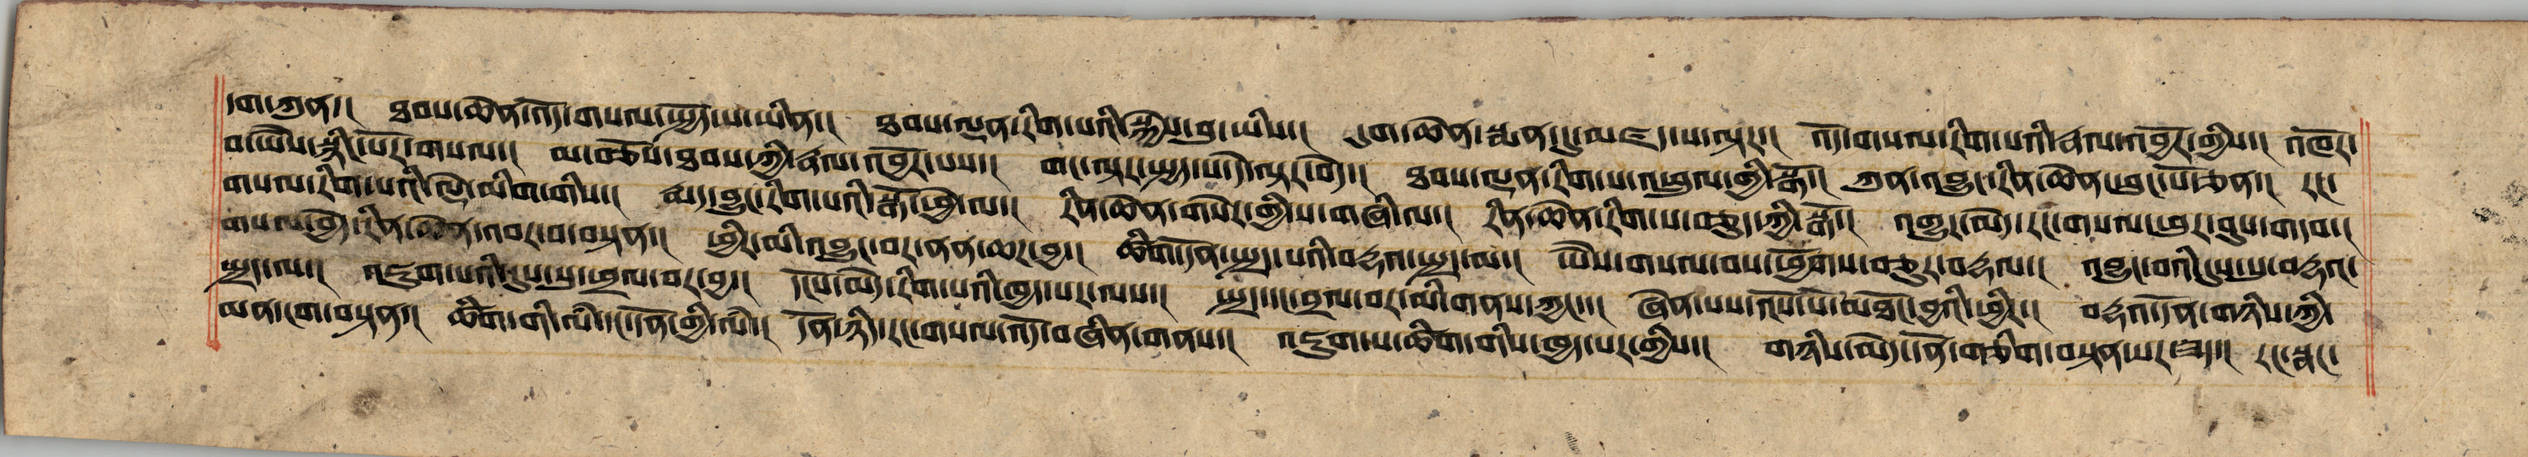དག་ཀུན་། ཐབས་ཆེན་འོད་གསལ་སྤྱོད་པ་ཡིན་། ཐབས་ལྡན་རིག་པའི་སྐྱེས་བུ་ཡིས་། དུག་ཆེན་སྨན་དུ་མཛད་པ་ལྟརང་། འོད་གསལ་རིག་པའི་རྣལ་འབྱོར་གྱིས་། འཁོར་
བ་ཡཻས་སྙིང་པོར་གསལ་། མ་བཅོས་ཐབས་ཀྱི་རྣལ་འབྱོར་པས་། གང་ལྟར་སྤྱད་པ་དེ་ལྟར་བདེ་། ཐབས་ལྡན་རིག་པ་འཕྲུལ་གྱི་སྒོ་། ཀུན་འབྱུང་རིན་ཆེན་ཕུང་པོ་ཅན་། རང་
གསལ་རིག་པའི་ལྡེ་མིག་གིས་། རྨད་བྱུང་རིག་སའི་སྒོ་ཕྱེ་ལ་། རིན་ཆེན་གསེར་གྱི་ས་གཞི་ལ་། རིན་ཆེན་རིག་པ་བཅུད་ཀྱི་སྒོ་། འགྱུར་མེད་རང་གསལ་ཕུར་བུས་གདབ་།
གསལ་བྱེད་རིན་ཆེན་འབར་བ་བསྟན་། ཕྱིར་མི་འབྱུང་བར་ནན་ཆཌ་བྱ་། ཚིག་དོན་སྤྲད་པའི་བརྡའ་སྤྲད་ལ་། ཡཻས་གསལ་བས་ཕྱོགས་བཅུར་བརྡལ་། འབྱུང་བའི་དུས་སུ་བརྡའ་
སྤྲད་ལ་། འཇུག་པའི་དུས་སུ་ཕྲལ་བར་བྱ་། དངོས་མེད་རིག་པའི་ཁྱད་པར་ལས་། སྤྲད་དང་བྲལ་བར་མི་གནས་ཀྱང་་། ཞེན་པས་དངོས་པོ་མཐོང་བྱའི་ཕྱིར་། བརྡའ་དོན་གཉིས་ཀྱི་
མན་ངག་བསྟན་། ཚིག་གི་ལཾ་དང་དོན་གྱི་ལཾ་། དོན་ཉིད་རང་གསལ་འོད་བཞིན་གནས་། འཇུག་པ་ཚིག་གིས་ཁྱད་པར་གྱིས་། གཉིས་མེད་དོན་གཅིག་བསྟན་པར་ཟད་། རང་སྣང་